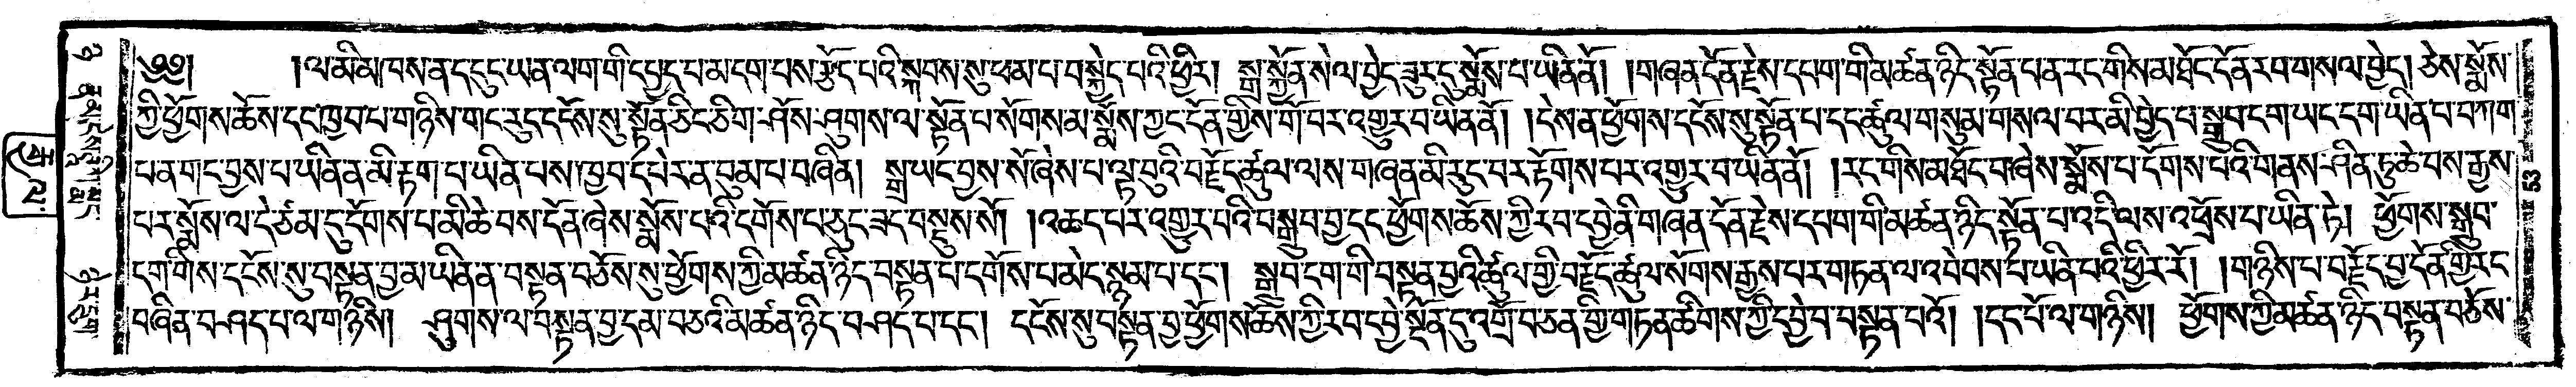༄༅། །ལ་མི་མཁས་ན་ད་དུང་ཡན་ལག་གི་དཔྱད་པ་མ་དག་པས་རྩོད་པའི་སྐབས་སུ་ཕམ་པ་བསྐྱེད་པའི་ཕྱིར། སྒྲ་སྐྱོན་སེལ་བྱེད་ཟུར་དུ་སྨོས་པ་ཡིན་ནོ། །གཞན་དོན་རྗེས་དཔག་གི་མཚན་ཉིད་སྟོན་པ་ན་རང་གིས་མཐོང་དོན་རབ་གསལ་བྱེད། ཅེས་སྨོས་
ཀྱི་ཕྱོགས་ཆོས་དང་ཁྱབ་པ་གཉིས་གང་རུང་དངོས་སུ་སྟོན་ཅིང་ཅིག་ཤོས་ཤུགས་ལ་སྟོན་པ་སོགས་མ་སྨོས་ཀྱང་དོན་གྱིས་གོ་བར་འགྱུར་བ་ཡིན་ནོ། །དེས་ན་ཕྱོགས་དངོས་སུ་སྟོན་པ་དང་ཚུལ་གསུམ་གསལ་བར་མི་བྱེད་པ་སྒྲུབ་ངག་ཡང་དག་ཡིན་པ་བཀག་
པ་ན་གང་བྱས་པ་ཡིན་ན་མི་རྟག་པ་ཡིན་པས་ཁྱབ་དཔེར་ན་བུམ་པ་བཞིན། སྒྲ་ཡང་བྱས་སོ་ཞེས་པ་ལྟ་བུའི་བརྗོད་ཚུལ་ལས་གཞན་མི་རུང་པར་རྟོགས་པར་འགྱུར་བ་ཡིན་ནོ། །རང་གིས་མཐོང་བ་ཞེས་སྨོས་པ་དོགས་པའི་གནས་ཤིན་ཏུ་ཆེ་བས་རྒྱས་
པར་སྨོས་ལ་དེ་ཙམ་དུ་དོགས་པ་མི་ཆེ་བས་དོན་ཞེས་སྨོས་པའི་དགོས་པ་ཅུང་ཟད་བསྡུས་སོ། །འཆད་པར་འགྱུར་བའི་བསྒྲུབ་བྱ་དང་ཕྱོགས་ཆོས་ཀྱི་རབ་དབྱེ་ནི་གཞན་དོན་རྗེས་དཔག་གི་མཚན་ཉིད་སྟོན་པ་འདི་ལས་འཕྲོས་པ་ཡིན་ཏེ། ཕྱོགས་སྒྲུབ་
ངག་གིས་དངོས་སུ་བསྟན་བྱ་མ་ཡིན་ན་བསྟན་བཅོས་སུ་ཕྱོགས་ཀྱི་མཚན་ཉིད་བསྟན་པ་དགོས་པ་མེད་སྙམ་པ་དང་། སྒྲུབ་ངག་གི་བསྟན་བྱའི་ཚུལ་གྱི་བརྗོད་ཚུལ་སོགས་རྒྱས་པར་གཏན་ལ་འབེབས་པ་ཡིན་པའི་ཕྱིར་རོ། །གཉིས་པ་བརྗོད་བྱ་དོན་གྱི་རང་
བཞིན་བཤད་པ་ལ་གཉིས། ཤུགས་ལ་བསྟན་བྱ་དམ་བཅའི་མཚན་ཉིད་བཤད་པ་དང་། དངོས་སུ་བསྟན་བྱ་ཕྱོགས་ཆོས་ཀྱི་རབ་དབྱེ་སྔོན་དུ་འགྲོ་བ་ཅན་གྱི་གཏན་ཚིགས་ཀྱི་དབྱེ་བ་བསྟན་པའོ། །དང་པོ་ལ་གཉིས། ཕྱོགས་ཀྱི་མཚན་ཉིད་བསྟན་བཅོས་